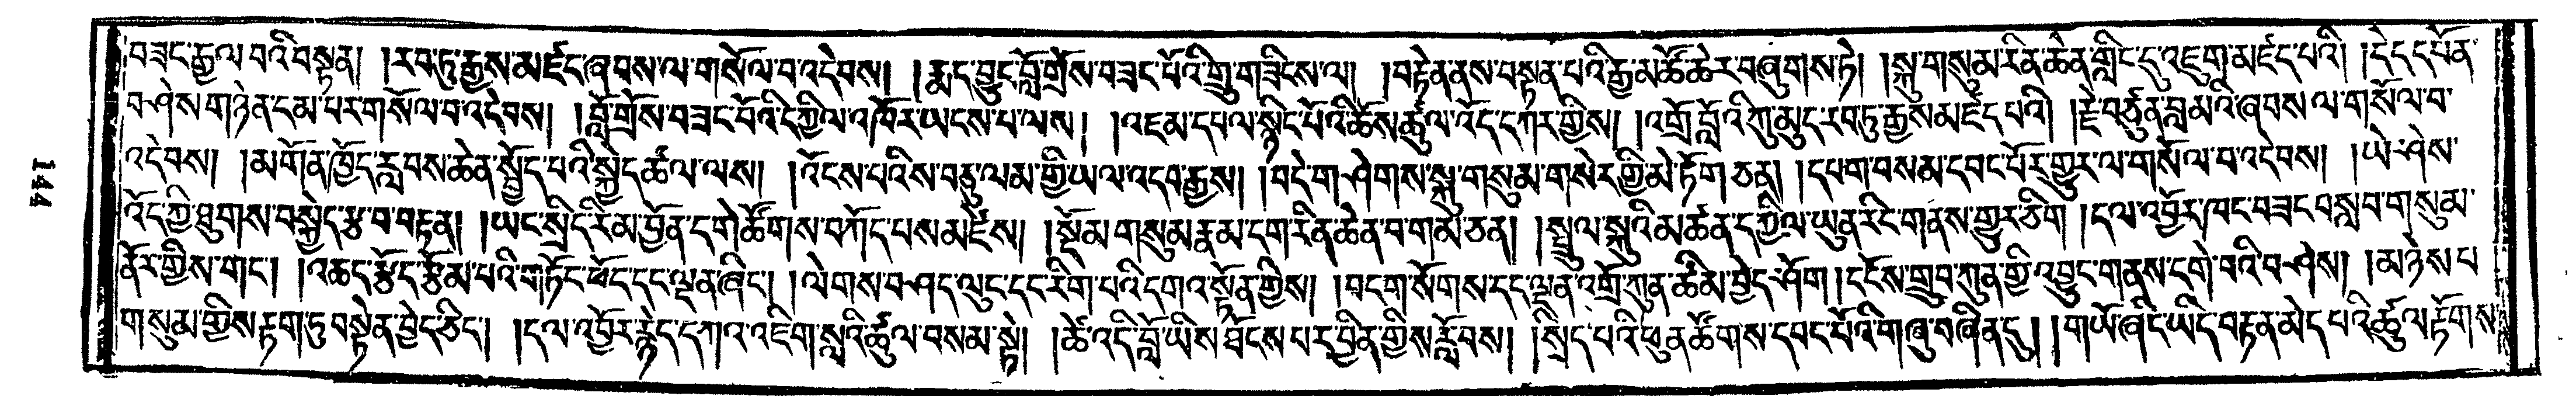བཟང་རྒྱལ་བའི་བསྟན། །རབ་ཏུ་རྒྱས་མཛད་ཞབས་ལ་གསོལ་བ་འདེབས། །རྨད་བྱུང་བློ་གྲོས་བཟང་པོའི་གྲུ་གཟིངས་ལ། །བརྟེན་ནས་བསྟན་པའི་རྒྱ་མཚོ་ཆེར་བཞུགས་ཏེ། །སྐུ་གསུམ་རིན་ཆེན་གླིང་དུ་འཇུག་མཛད་པའི། །དེད་དཔོན་
བཤེས་གཉེན་དམ་པར་གསོལ་བ་འདེབས། །བློ་གྲོས་བཟང་པོའི་དཀྱིལ་འཁོར་ཡངས་པ་ལས། །འཇམ་དཔལ་སྙིང་པོའི་ཆོས་ཚུལ་འོད་དཀར་གྱིས། །འགྲོ་བློའི་ཀུ་མུད་རབ་ཏུ་རྒྱས་མཛད་པའི། །རྗེ་བཙུན་བླ་མའི་ཞབས་ལ་གསོལ་བ་
འདེབས། །མགོན་ཁྱོད་རླབས་ཆེན་སྦྱོད་པའི་སྐྱེད་ཚལ་ལས། །འོངས་པའི་ས་བཅུ་ལམ་གྱི་ཡལ་འདབ་རྒྱས། །བདེ་གཤེགས་སྐུ་གསུམ་གསེར་གྱི་མེ་ཏོག་ཅན། །དཔག་བསམ་དབང་པོར་གྱུར་ལ་གསོལ་བ་འདེབས། །ཡེ་ཤེས་
འོད་ཀྱི་ཐུགས་བསྐྱེད་རྩ་བ་བརྟན། །ཡང་སྲིད་རིམ་བྱོན་དགེ་ཚོགས་བཀོད་པས་མཛེས། །སྡོམ་གསུམ་རྣམ་དག་རིན་ཆེན་བ་གམ་ཅན། །སྤྲུལ་སྐུའི་མཚན་དཀྱིལ་ཡུན་རིང་གནས་གྱུར་ཅིག །དལ་འབྱོར་ཁང་བཟང་བསླབ་གསུམ་
ནོར་གྱིས་གང་། །འཆད་རྩོད་རྩོམ་པའི་གཏོང་ཕོང་དང་ལྡན་ཞིང་། །ལེགས་བཤད་ལུང་དང་རིག་པའི་དགའ་སྟོན་གྱིས། །བདག་སོགས་དད་ལྡན་འགྲོ་ཀུན་ཚིམ་བྱེད་ཤོག །དངོས་གྲུབ་ཀུན་གྱི་འབྱུང་གནས་དགེ་བའི་བཤེས། །མཉེས་པ་
གསུམ་གྱིས་རྟག་ཏུ་བསྟེན་བྱེད་ཅིང་། །དལ་འབྱོར་རྙེད་དཀའ་འཇིག་སླའི་ཚུལ་བསམ་སྟེ། །ཚེ་འདི་བློ་ཡིས་ཐོངས་པར་བྱིན་གྱིས་རློབས། །སྲིད་པའི་ཕུན་ཚོགས་དབང་པོའི་གཞུ་བཞིན་དུ། །གཡོ་ཞིང་ཡིད་བརྟན་མེད་པའི་ཚུལ་རྟོགས་